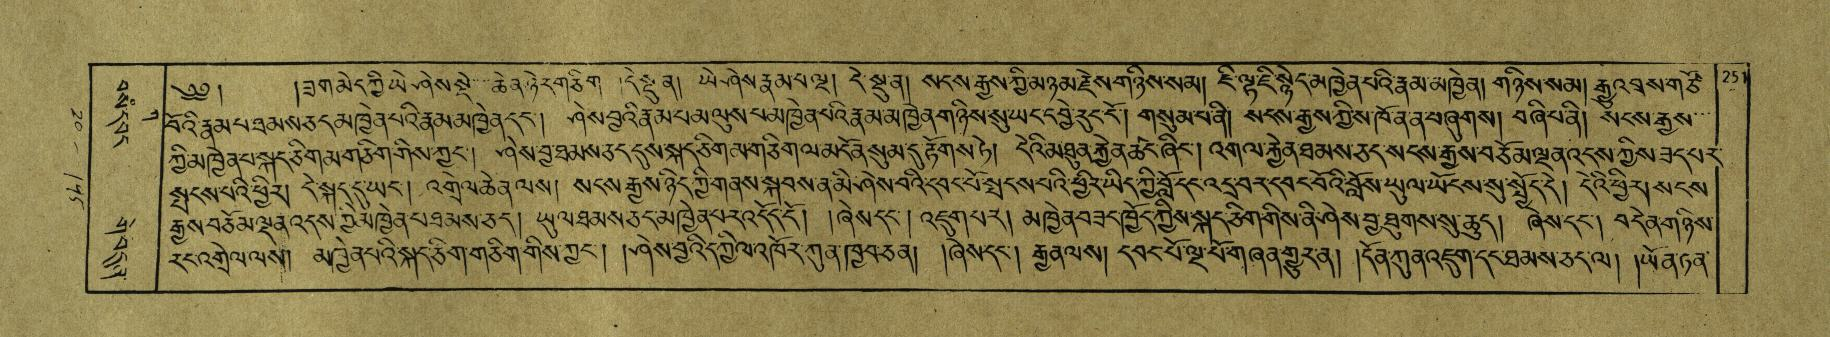༄༅། །ཟག་མེད་ཀྱི་ཡེ་ཤེས་སྡེ་ཆེན་ཉེར་གཅིག །དེ་སྡུ་ན། ཡེ་ཤེས་རྣམ་པ་ལྔ། དེ་སྡུ་ན། སངས་རྒྱས་ཀྱི་མཉམ་རྗེས་གཉིས་སམ། ཇི་ལྟ་ཇི་སྙེད་མཁྱེན་པའི་རྣམ་མཁྱེན། གཉིས་སམ། རྒྱུ་འབྲས་གཙོ་
བོའི་རྣམ་པ་ཐམས་ཅད་མཁྱེན་པའི་རྣམ་མཁྱེན་དང་། ཤེས་བྱའི་རྣམ་པ་མ་ལུས་པ་མཁྱེན་པའི་རྣམ་མཁྱེན་གཉིས་སུ་ཡང་དབྱེ་རུང་ངོ། གསུམ་པ་ནི། སངས་རྒྱས་ཀྱི་ས་ཁོ་ན་ན་བཞུགས། བཞི་པ་ནི། སངས་རྒྱས་
ཀྱི་མཁྱེན་པ་སྐད་ཅིག་མ་གཅིག་གིས་ཀྱང་། ཤེས་བྱ་ཐམས་ཅད་དུས་སྐད་ཅིག་མ་གཅིག་ལ་མངོན་སུམ་དུ་རྟོགས་ཏེ། དེའི་མཐུན་རྐྱེན་ཚང་ཞིང་། འགལ་རྐྱེན་ཐམས་ཅད་སངས་རྒྱས་བཅོམ་ལྡན་འདས་ཀྱིས་ཟད་པར་
སྤངས་པའི་ཕྱིར། དེ་སྐད་དུ་ཡང་། འགྲེལ་ཆེན་ལས། སངས་རྒྱས་ཉིད་ཀྱི་གནས་སྐབས་ན་མི་ཤེས་བའི་དབང་པོ་སྤངས་པའི་ཕྱིར་ཡིད་ཀྱི་བློ་དང་འདྲ་བར་དབང་བོའི་བློས་ཡུལ་ཡོངས་སུ་སྤྱོད་དེ། དེའི་ཕྱིར། སངས་
རྒྱས་བཅོམ་ལྡན་འདས་ཀྱི་མཁྱེན་པ་ཐམས་ཅད། ཡུལ་ཐམས་ཅད་མཁྱེན་པར་འདོད་དོ། །ཞེས་དང་། འཇུག་པར། མཁྱེན་བཟང་ཁྱོད་ཀྱིས་སྐད་ཅིག་གིས་ནི་ཤེས་བྱ་ཐུགས་སུ་ཆུད། ཞེས་དང་། བདེན་གཉིས་
རང་འགྲེལ་ལས། མཁྱེན་པའི་སྐད་ཅིག་གཅིག་གིས་ཀྱང་། །ཤེས་བྱའི་དཀྱིལ་འཁོར་ཀུན་ཁྱབ་ཅན། །ཞེས་དང་། རྒྱན་ལས། དབང་པོ་ལྔ་པོ་གཞན་གྱུར་ན། །དོན་ཀུན་འཇུག་དང་ཐམས་ཅད་ལ། །ཡོན་ཏན་